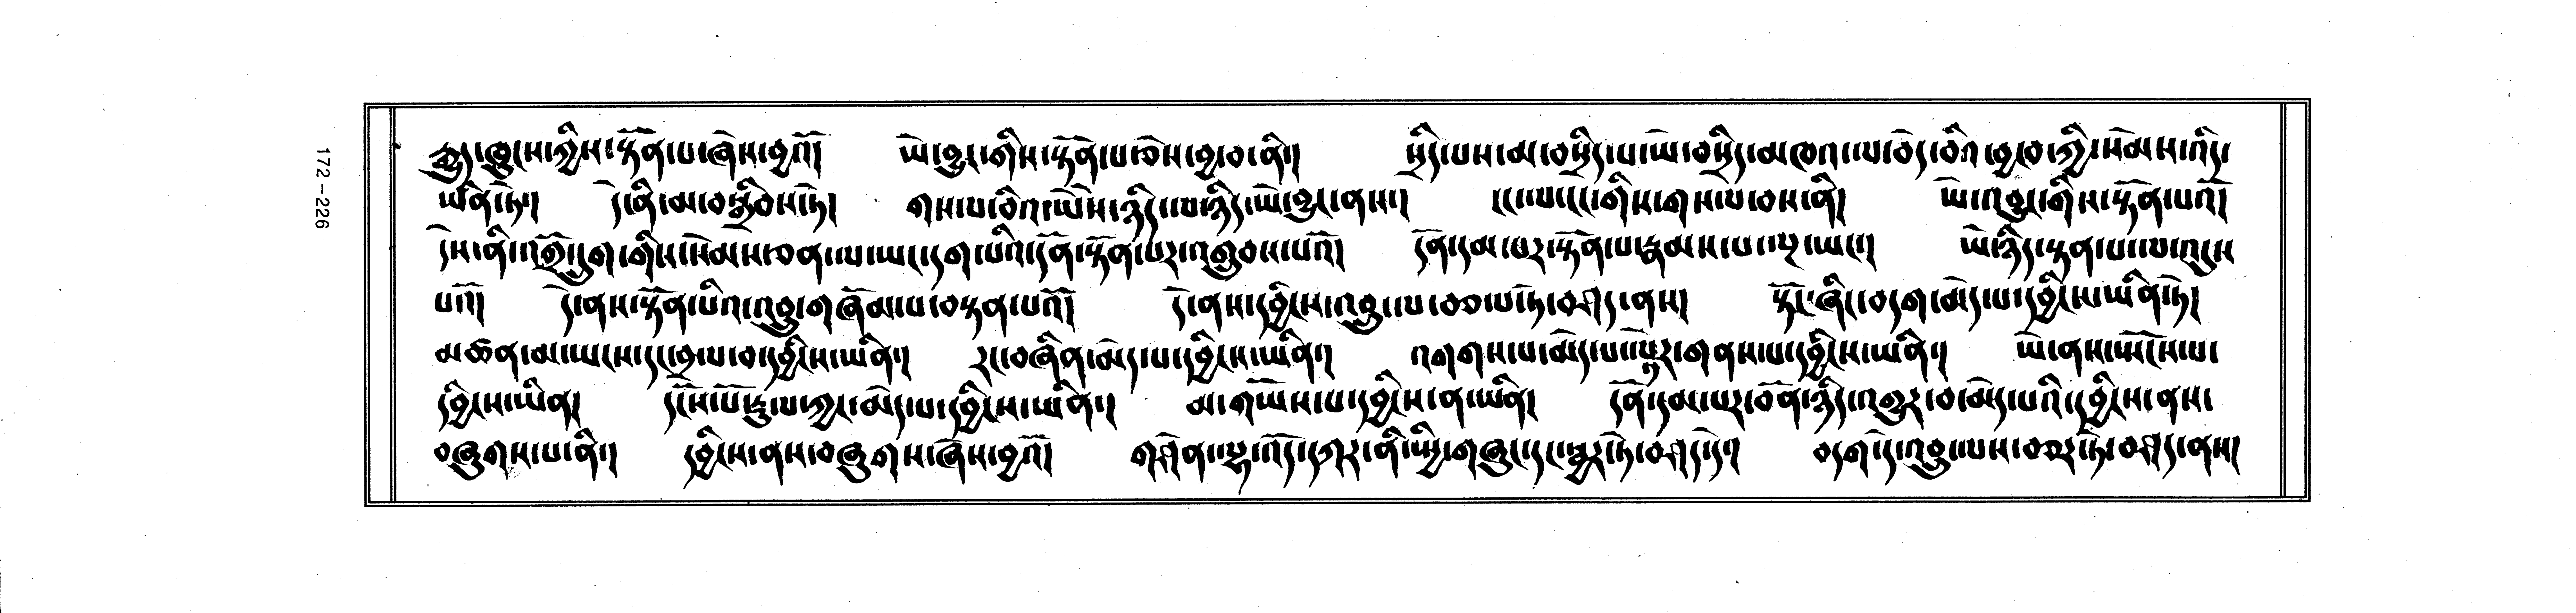རྒྱུད་ཁུངས་ཀྱིས་སྟོན་པ་ཞེས་བྱའོ། ཡེ་བྱུང་གིས་སྟོན་པ་ཅེས་བྱ་བ་ནི། སྲིད་པས་མ་སྲིད་པ་ཡེ་སྲིད་མཁའ་ལ་བདེ་བའི་བྱང་ཆུབ་ཀྱིས་སེམས་འདི་
ཡིན་ཏེ། དེ་ནི་མ་བསྒྲིབས་ཏེ། གསལ་བའི་ཡེ་ཤེས་ཉིད་ལ་ཉིད་ཡེ་བྱུང་ནས། ངང་ལ་ངང་གིས་གསལ་བས་ནི། ཡེ་འབྱུང་གིས་སྟོན་པའོ། 
དེས་ནི་འགྲོ་དྲུག་གིས་སེམས་ཅན་ལ་ཡང་དག་པའི་དོན་སྟོན་པར་འགྲུབས་པའོ། དོན་དམ་པར་སྟོན་པ་རྣམ་པ་ལྔ་ཡང་། ཡེ་ཉིད་སྟོན་པ་ལ་འདུས་
པའོ། དེ་ནས་སྟོན་པའི་འབྲུ་གཞོམ་པ་བསྟན་པའོ། དེ་ནས་དབྱིངས་འབྲུ་ལ་བཅལ་ཏེ་བཤད་ནས། སྟོང་ཞིང་བདག་མེད་པ་དབྱིངས་ཡིན་ཏེ། 
མཚན་མ་ཡང་དང་བྲལ་བ་དབྱིངས་ཡིན། རང་བཞིན་མེད་པ་དབྱིངས་ཡིན། འགག་པ་མེད་པ་ལྟར་གནས་པ་དབྱིངས་ཡིན། ཡེ་ནས་སྤངས་པ་
དབྱིངས་ཡིན། དངོས་པོ་རྡུལ་ཀྱང་མེད་པ་དབྱིངས་ཡིན། མ་གཡོས་པ་དབྱིངས་ཡིན། དོན་དམ་པར་བོན་ཉིད་འགྱུར་བ་མེད་པའི་དབྱིངས་ནས་
བཞུགས་པ་ནི། དབྱིངས་ནས་བཞུགས་ཞེས་བྱའོ། གཤེན་ལྷ་འོད་དཀར་ནི་སྤྱི་གཞུང་དང་སྦྱར་ཏེ་བཤད་དེ། བདག་དེ་འབྲུ་ལས་བཅར་ཏེ་བཤད་ནས།